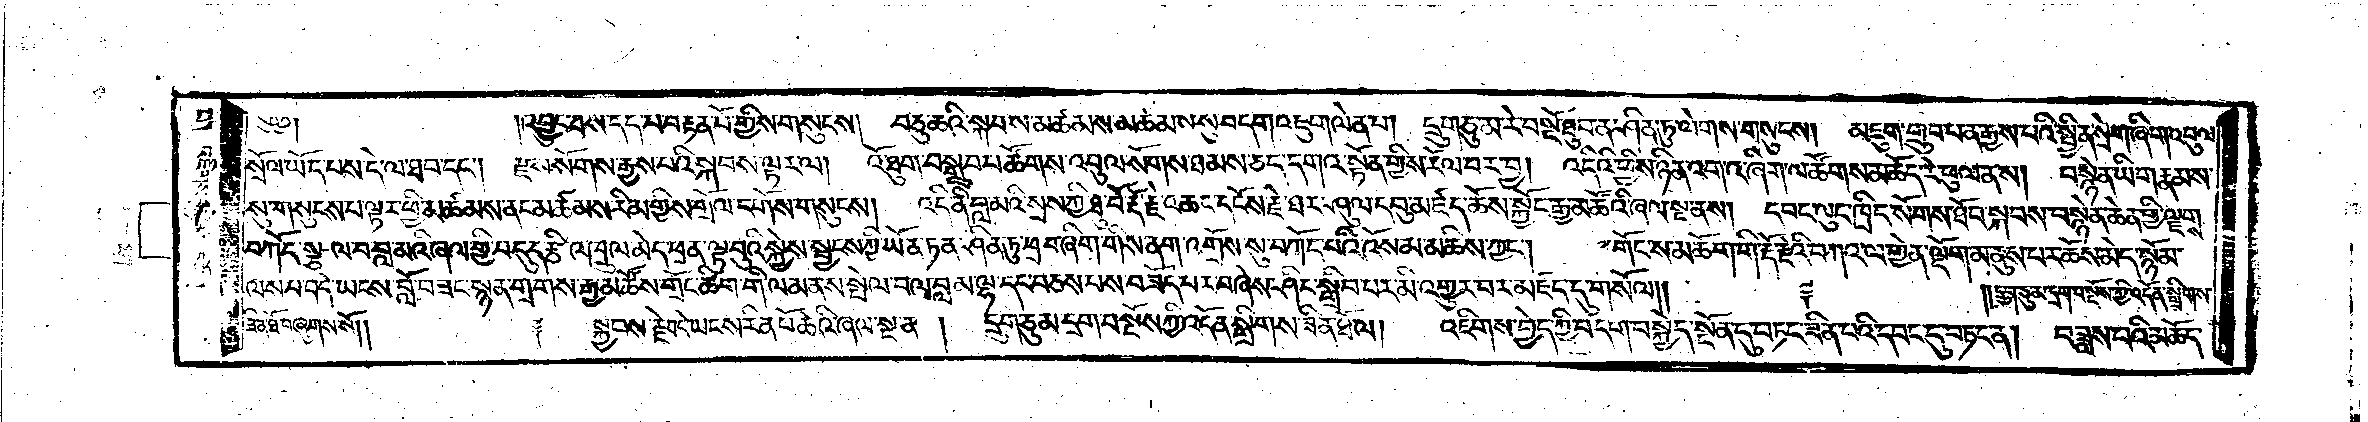༄༅། །འབྱུང་བས་དད་པ་བརྟན་པོ་གྱིས་གསུངས། བཅུ་ཆའི་སྐབས་མཚམས་མཚམས་སུ་བདག་འཇུག་ལེན་པ། དྲུག་ཅུ་མ་རེ་བསྔོ་ཐུབ་ན་ཤིན་ཏུ་ལེགས་གསུངས། མཇུག་གྲུབ་པ་ན་རྒྱས་པའི་སྦྱིན་སྲེག་ཞིག་འབུལ་
སྲོལ་ཡོད་པས་དེ་ལ་ཐབ་དང་། རྫས་སོགས་རྒྱས་པའི་སྐབས་ལྟར་ལ། འོ་ཐུག་བསྒྲུབ་པ་ཚོགས་འབུལ་སོགས་ཐམས་ཅད་དགའ་སྟོན་གྱིས་རོལ་བར་བྱ། འདིའི་ཕྱིས་ཉིན་འགའ་ཞིག་ལ་ཚོགས་མཆོད་རེ་ཕུལ་ནས། བསྙེན་ཡིག་རྣམས་
སུ་གསུངས་པ་ལྟར་ཕྱི་མཚམས་ནང་མཚམས་རིམ་གྱིས་གྲོལ་དགོས་གསུངས། འདི་ནི་བླ་མའི་སྲས་ཀྱི་ཐུ་བོ་རྡོ་རྗེ་འཆང་དངོས་རྗེ་ཐར་ཤུལ་དབུ་མཛད་ཆོས་སྐྱོང་རྒྱ་མཚོའི་ཞལ་སྔ་ནས། དབང་ལུང་ཁྲིད་སོགས་ཐོབ་སྐབས་བསྙེན་ཆེན་གྱི་ལྗགས་
བཀོད་སྩལ་བ་བླ་མའི་ཞལ་གྱི་བདུད་རྩི་འཁྲུལ་མེད་ཕྲན་ལྟ་བུའི་སྐྱེས་སྦྱངས་ཀྱི་ཡོན་ཏན་ཤིན་ཏུ་ཕྲབ་ཞིག་གིས་ནག་འགྲོས་སུ་བཀོད་པའི་འོས་མ་མཆིས་ཀྱང་། ༧གོང་ས་མཆོག་གི་རྡོ་རྗེའི་བཀའ་ལ་གྱེན་ལྡོག་མ་ནུས་པར་ཆོས་མེད་སྙོམ་
ལས་པ་བདེ་ཡངས་བློ་བཟང་སྙན་གྲགས་རྒྱ་མཚོས་གྲོང་ཚིག་གི་ལམ་ནས་སྤེལ་བལ་བླ་མ་ལྷ་དང་བཅས་པས་བཟོད་པར་བཞེས་ཤིང་སྒྲིབ་པར་མི་འགྱུར་པས་མཛད་དུ་གསོལ།། ༈ །།དྲུག་ཅུ་མ་དྲག་བསྔོས་ཀྱི་འདོན་སྒྲིགས་
ཟིན་ཐོ་བཞུགས་སོ།། ༈ སྐྱབས་རྗེ་བདེ་ཡངས་རིན་པོ་ཆེའི་ཞལ་སྔ་ན། དྲུག་ཅུ་མ་དྲག་བསྔོས་ཀྱི་འདོན་སྒྲིགས་ཟིན་ཐོལ། །འཇིགས་བྱེད་ཀྱི་བདག་བསྐྱེད་སྔོན་དུ་བཏང་ཟིན་པའི་དབང་དུ་བཏང་ན། བཟླས་པའི་མཆོད་